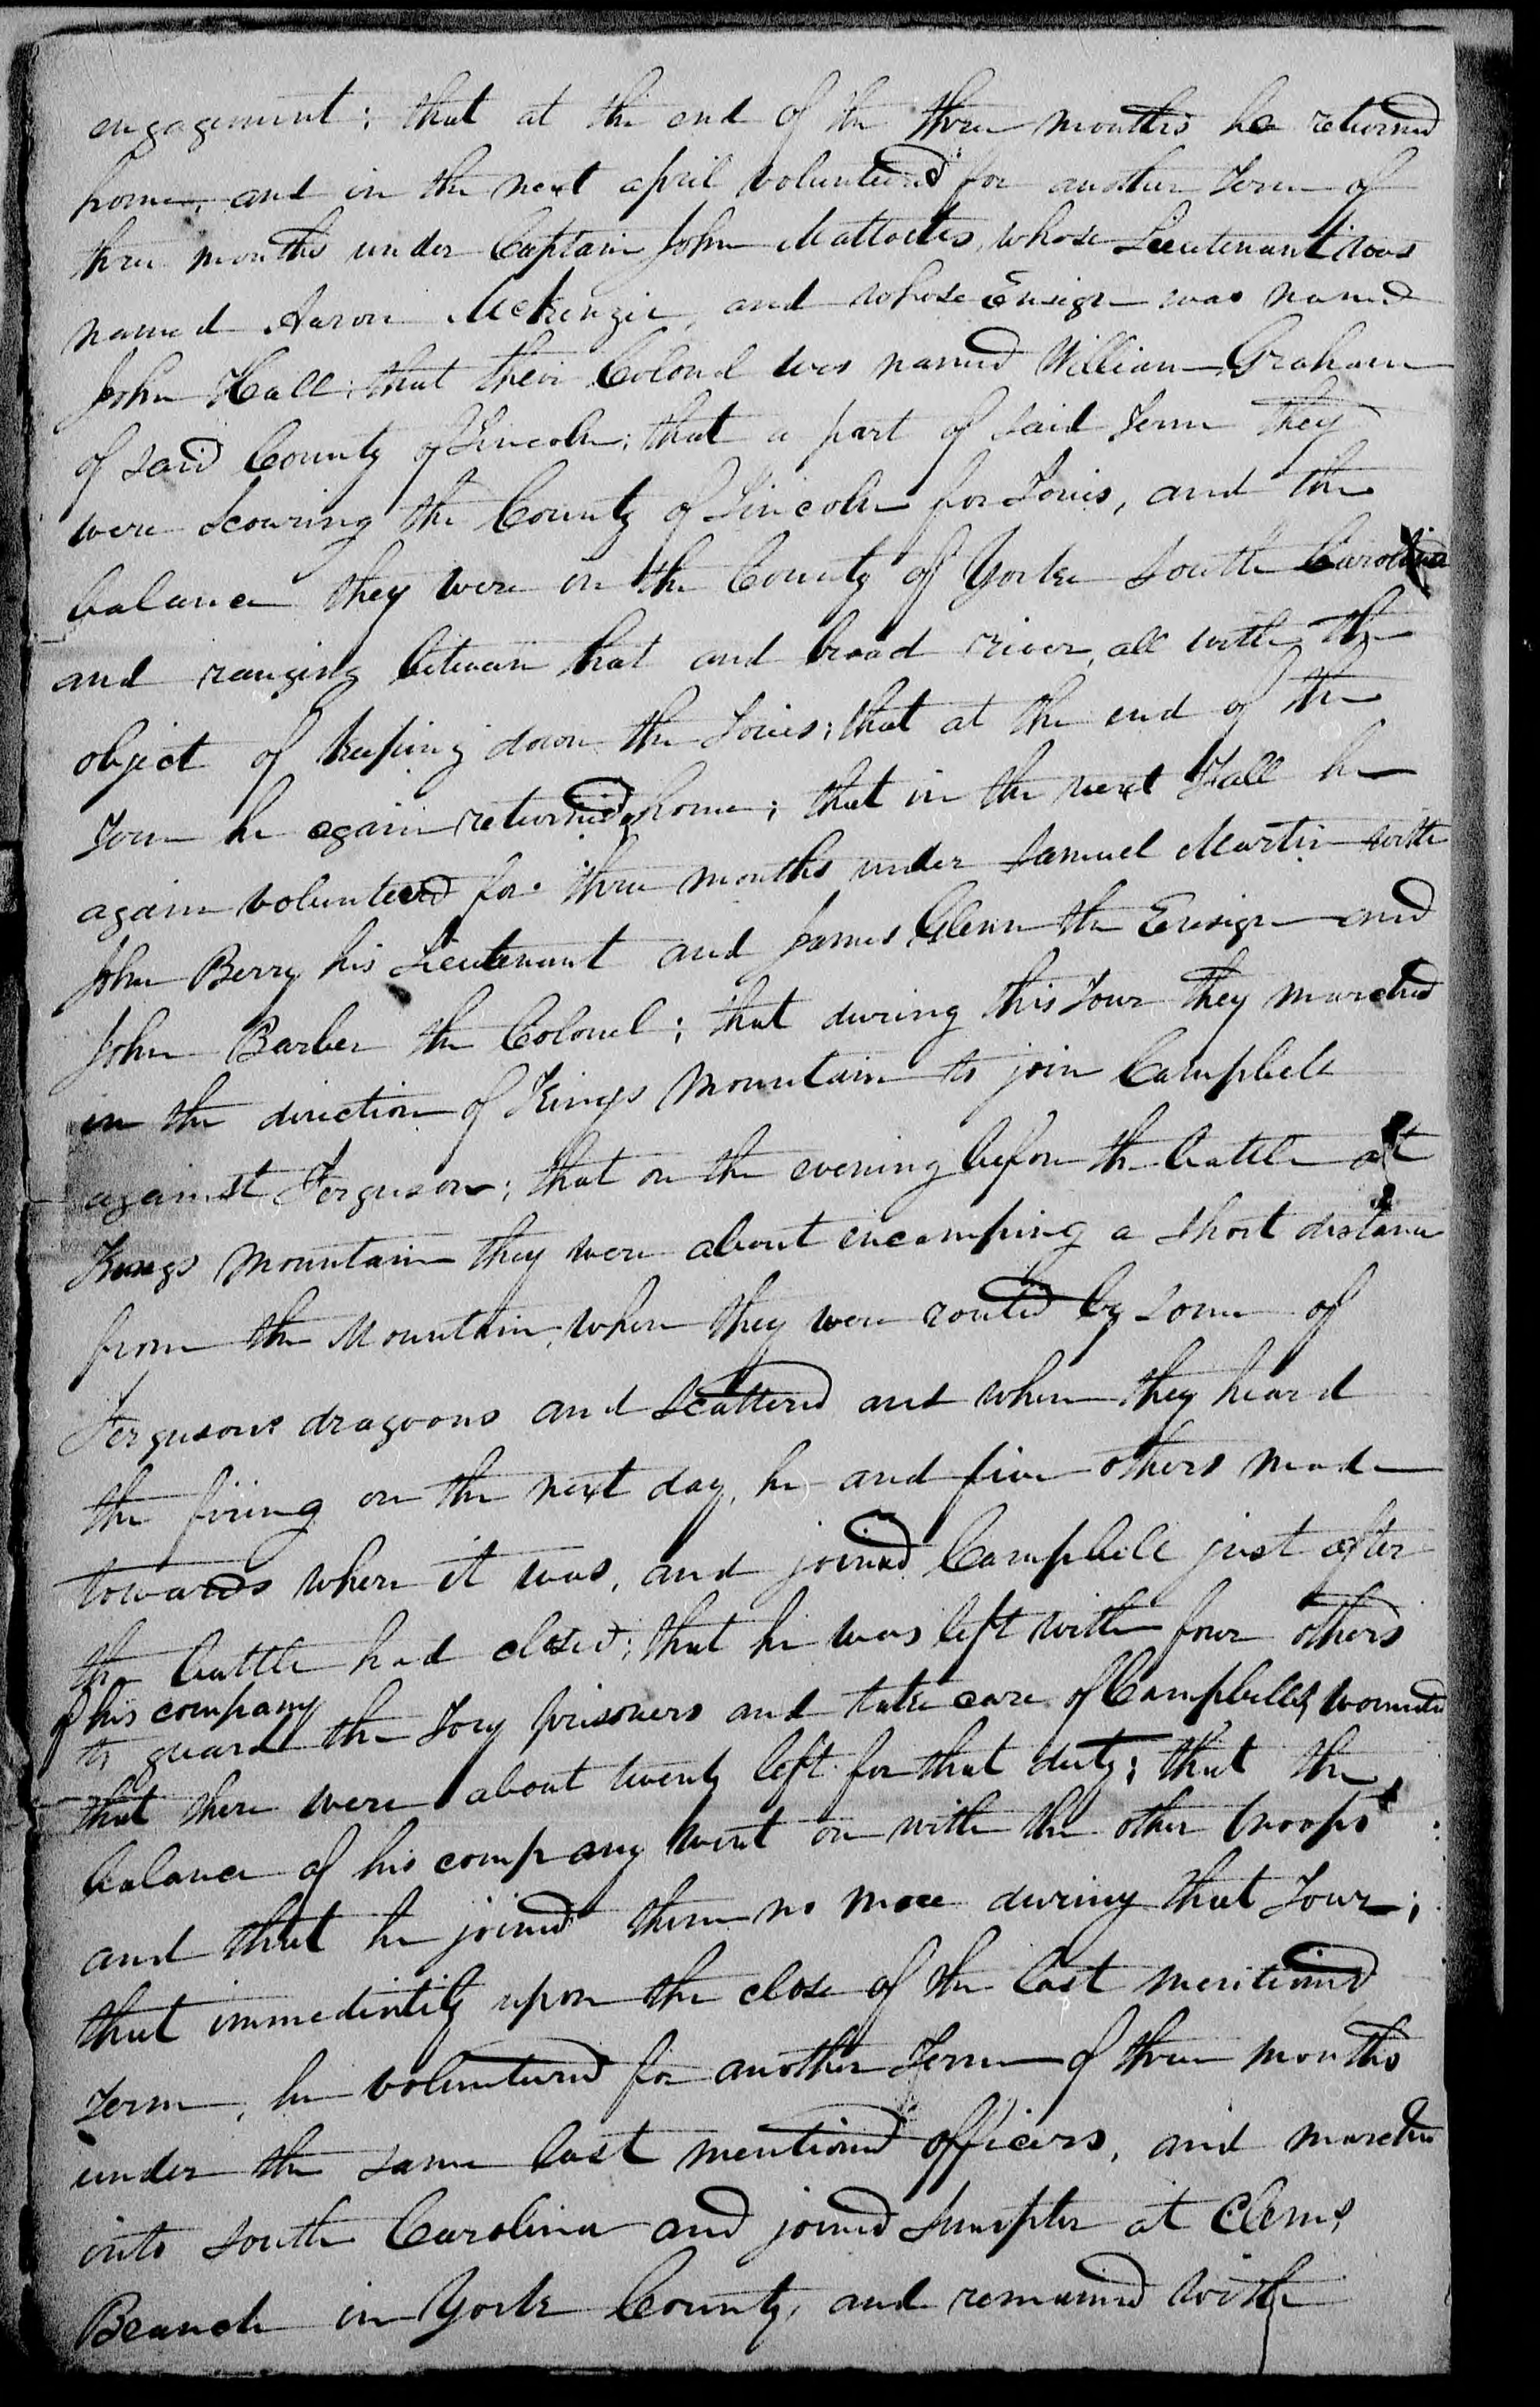engagement: that at the end of the three months he returned home and in the next April volunteered for another tour of three months under Captain John Mattocks whose Lieutenant was named Aaron McKinzie and whose Ensign was named John Hall; that their Colonel was named William Graham of said County of Lincoln; that a part of said term they were scouring the County of Lincoln for Tories, and the balance they were in the County of York South Carolina and ranging between that and Broad River, all with the object of keeping down the Tories; that at the end of the term he again returned home; that in the next Fall he again volunteered for three months under Samuel Martin with John Berry his Lieutenant and James Glenn the Ensign and John Barber the Colonel; that during this Tour they marched in the direction of Kings Mountain to join Campbell [William Campbell] against Ferguson [Patrick Ferguson]; that on the evening before the battle at Kings Mountain they were about encamping a short distance from the Mountain when they were routed by some of Ferguson's dragoons and scattered and when they heard the firing on the next day he and five others made towards where it was and joined Campbell just after the battle [October 7, 1780] had closed; that he was left with four others of his company to guard the Tory prisoners and take care of Campbell's wounded; that there were about twenty [men] left for that duty; that the balance of his company went on with the other troops and that he joined them no more during that Tour; that immediately upon the close of the last mentioned Term, he volunteered for another Term of three months under the same last mentioned officers; and marched into South Carolina and joined Sumpter [sic, Thomas Sumter] at Clem's Branch in York County and remained with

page: 11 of 67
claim: widow's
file: W. 21793, for George Mc Lain, North Carolina